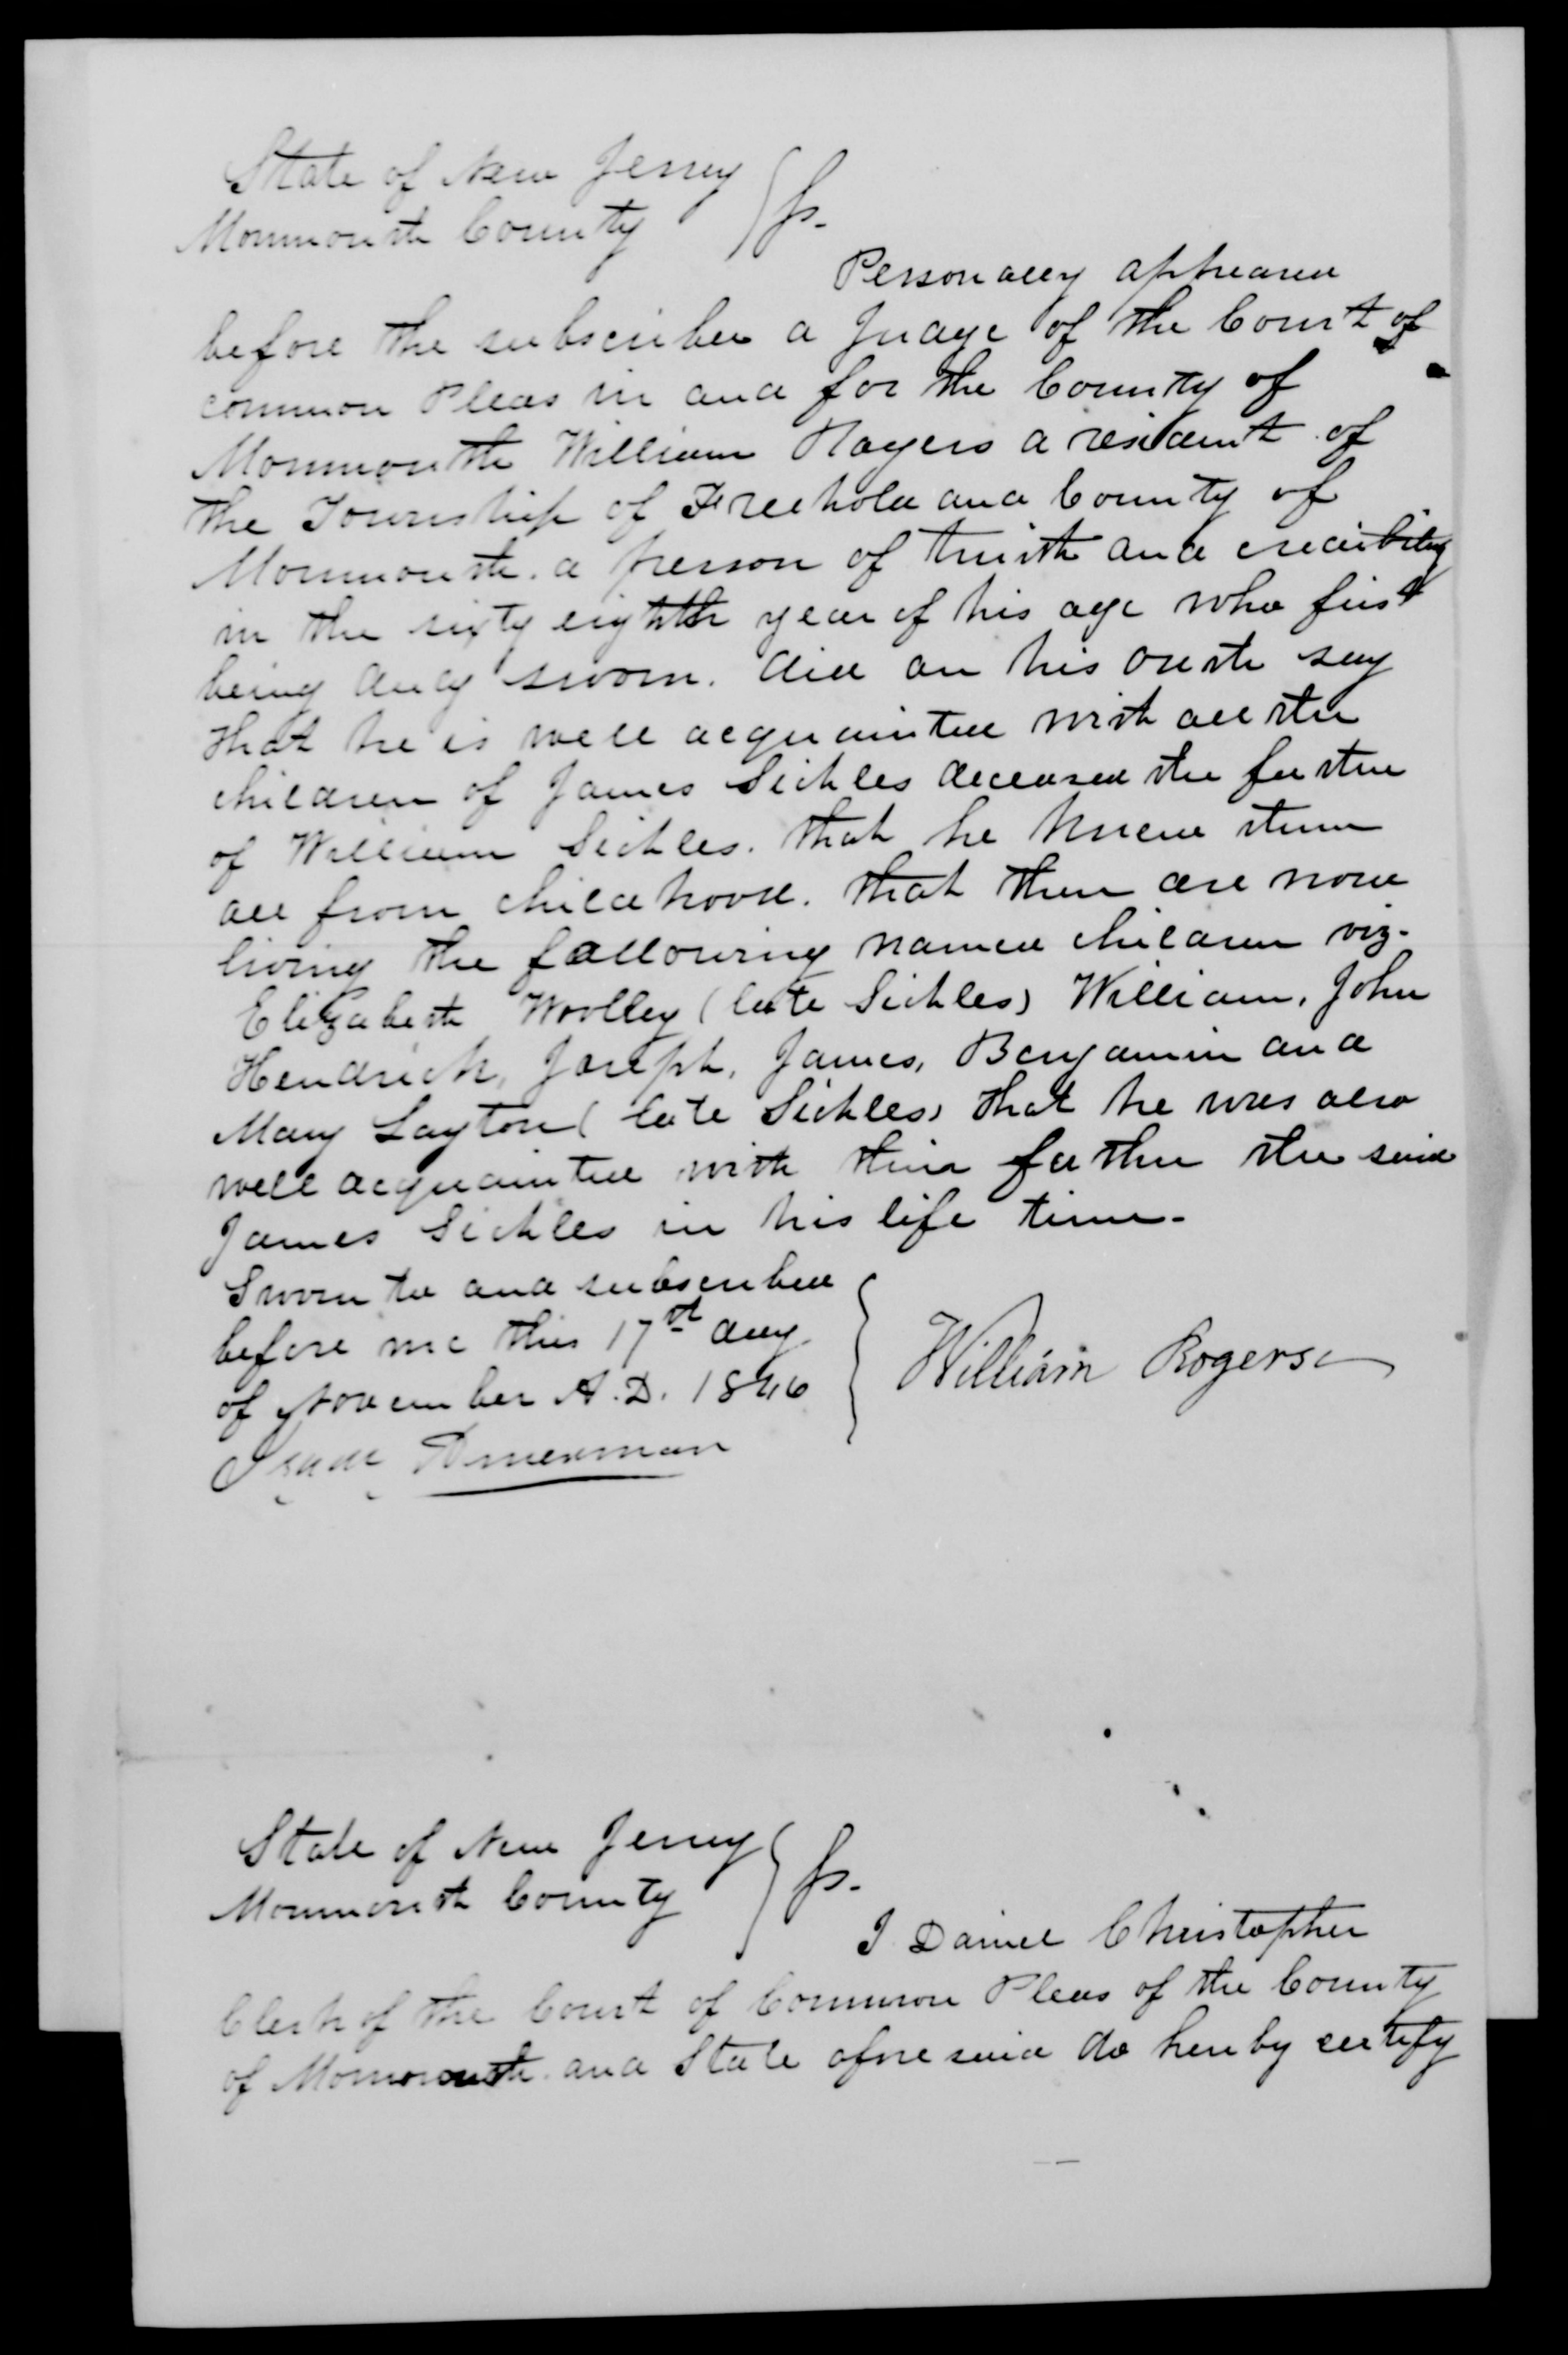State of New Jesey}
Monmouth County} Ss.
Personally appeared before the subscriber a Judge of the Court of Common Pleas in and for the County of Monmouth William Rogers a resident of the Township of Freehold and County of Monmouth, a person of truth and credibility in the sixty eighth year of his age who first being duly sworn, did on his oath say That he is well acquainted with all the children of James Sickles deceased the father of William Sickles. That he knew them all from childhood. That there are now living the following named children viz - Elizabeth Woolley (late Sickles) William, John Hendrick, Joseph, James, Benjamin and Mary Layton (late Sickles) That he was also well acquainted with their father the said James Sickles in his life time.
Sworn to and subscribed}
before me this 17th day} William Rogers
of November A.D. 1846}
Isaac Amerman
State of New Jersey}
Monmouth County} Ss.
I Daniel Christopher Clerk of the Court of Common Pleas of the County of Monmouth and State aforesaid do hereby certify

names: James Sichles; William Sichles; [BLANK] Sichles; William Rogers; Hendrick Layton; James Layton; James Sichles; John Layton; Mary Layton; Isaac Amerman; [BLANK] Sichles; Joseph Layton; William Layton; William Rogers; Benjamin Layton; Daniel Christopher; Elizabeth Woolley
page: 21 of 33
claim: survivor's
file: S. 4,841, for James Sickles, New Jersey